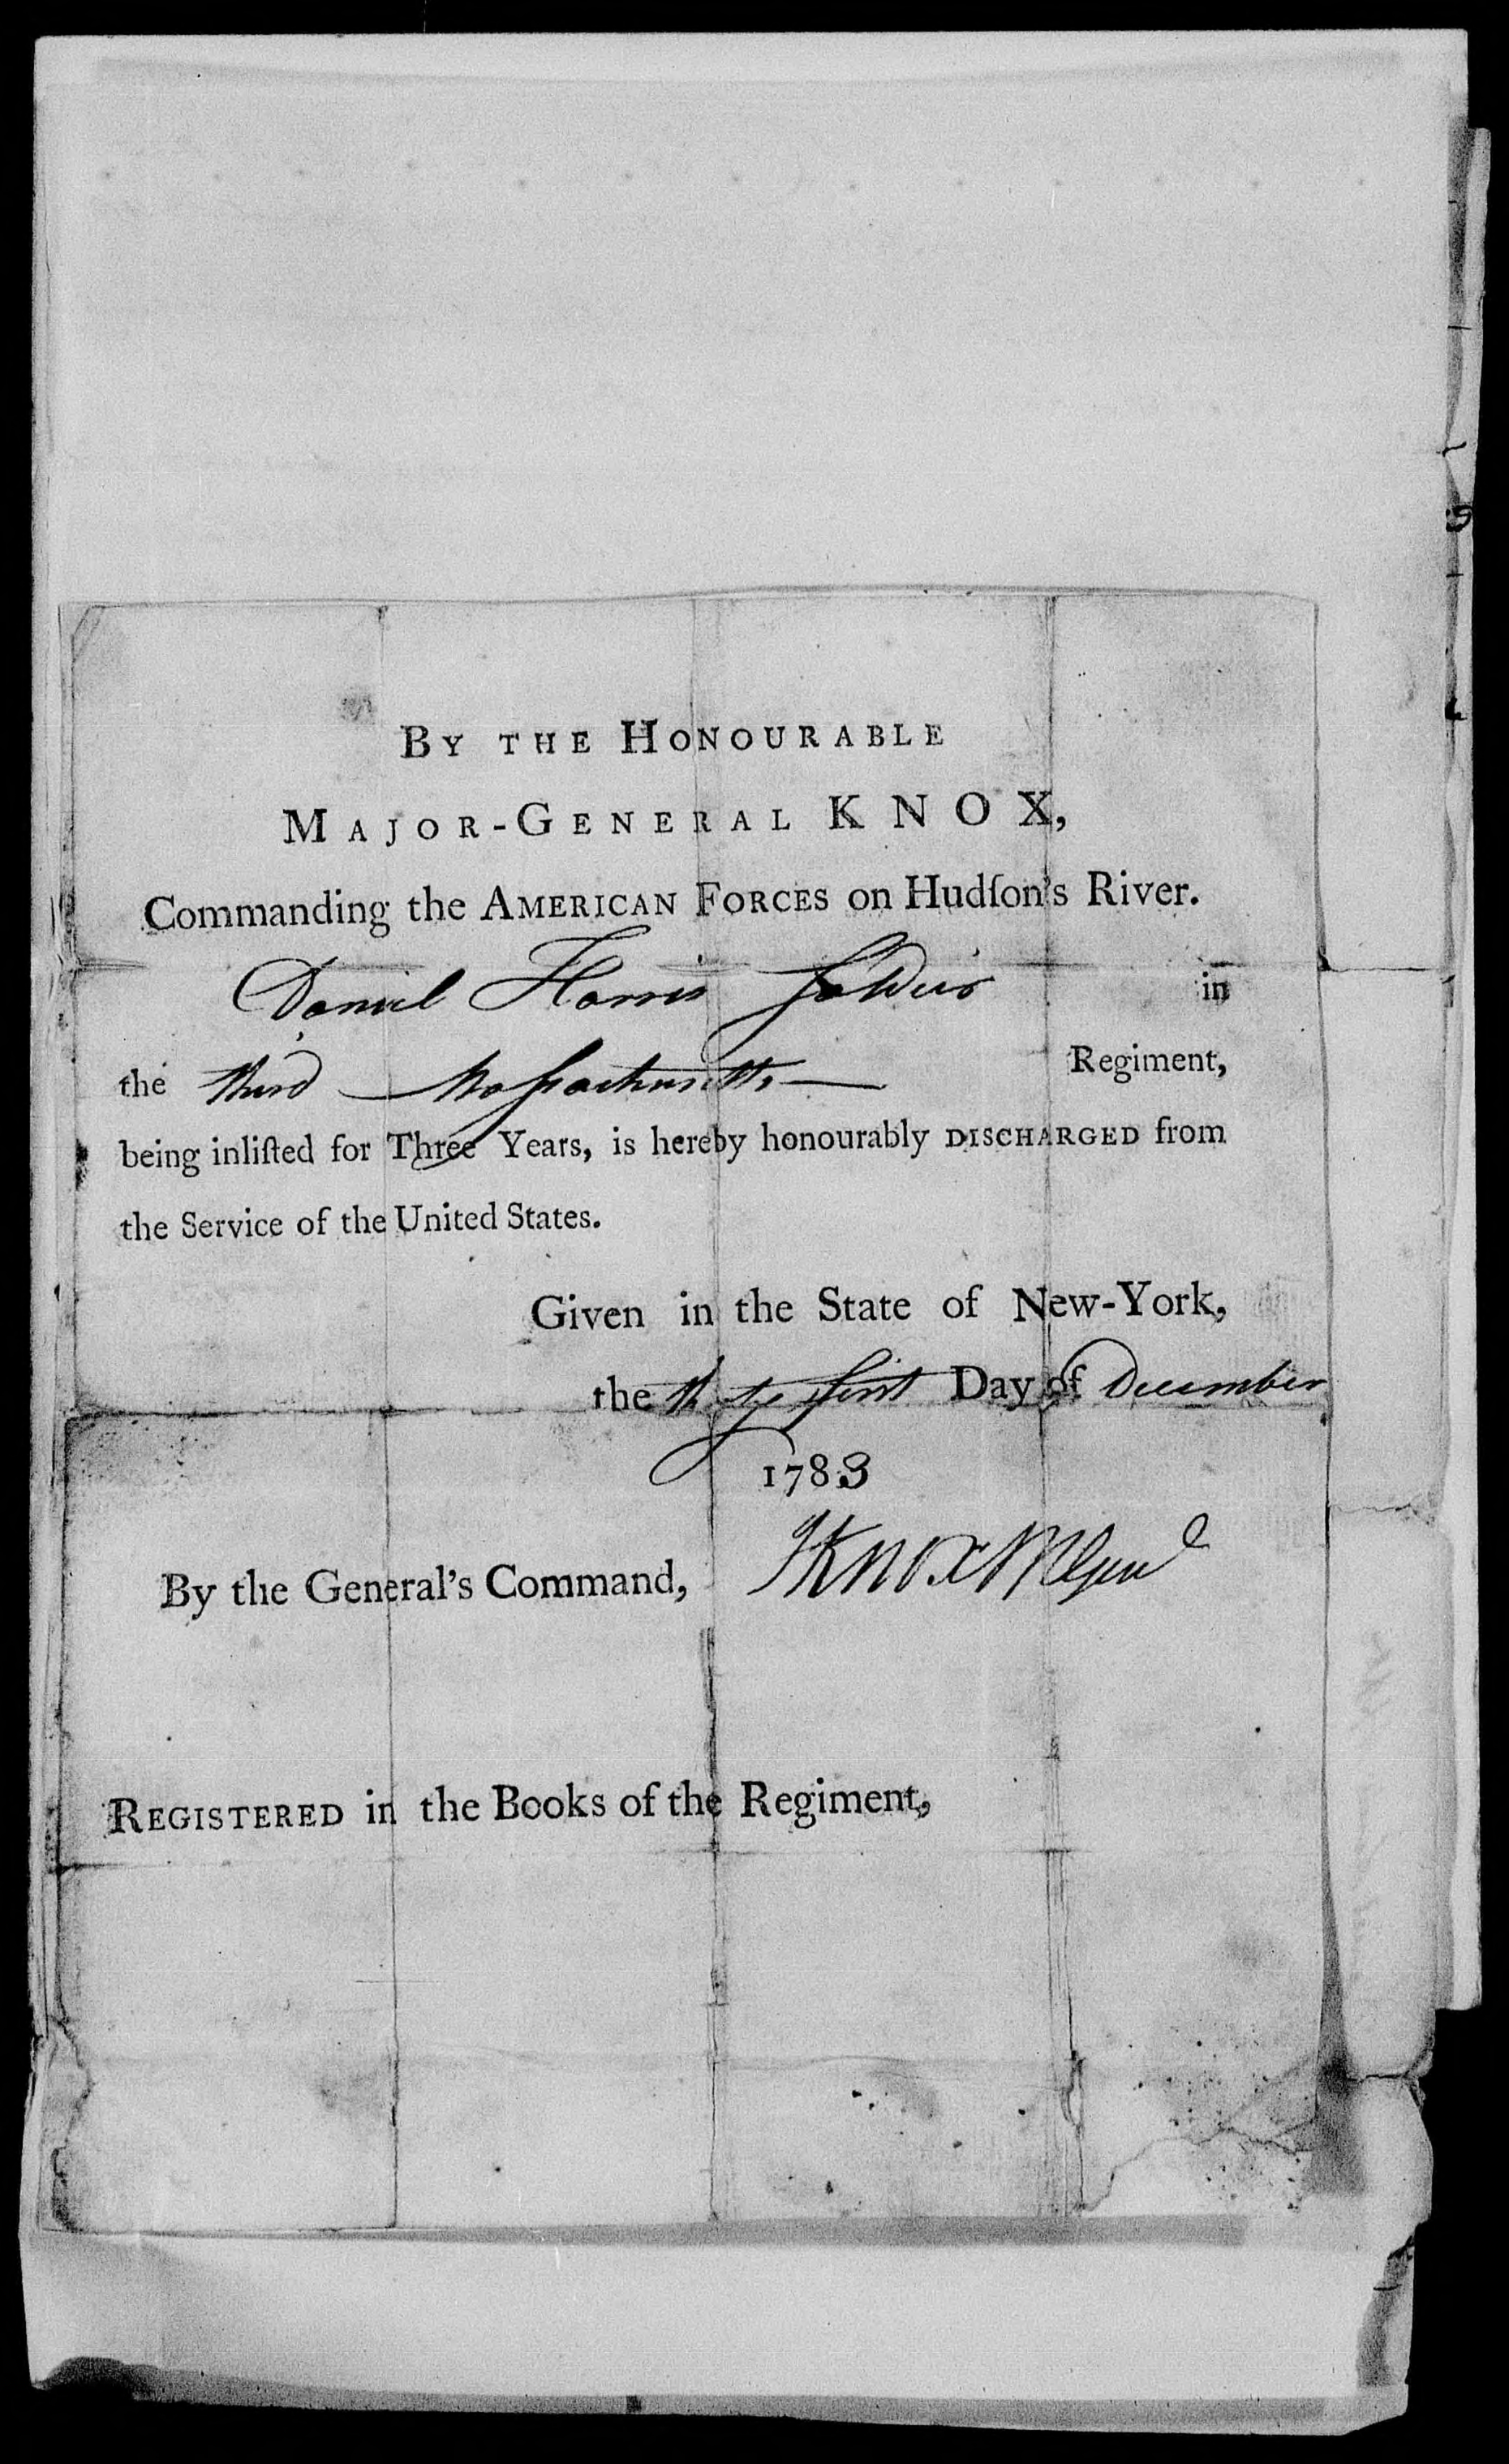BY THE HONOURABLE
MAJOR-GENERAL KNOX, 
COMMANCING THE AMERICAN FORCES ON HUDSON'S RIVER. 

Daniel Harris Soldier in the third Massachusetts Regiment, being inlisted for three Years, is hereby honourably DISCHARGED from the Service of the United States. 

Given in the State of New York, the thirty first Day of December 1783
By the General's Command, 
Knos, MGenl

REGISTERED in the Books of the Regiment.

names: Knox, Knox, Daniel Harris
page: 36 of 68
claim: survivor's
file: S. 29,877, Daniel Harris, Mass.